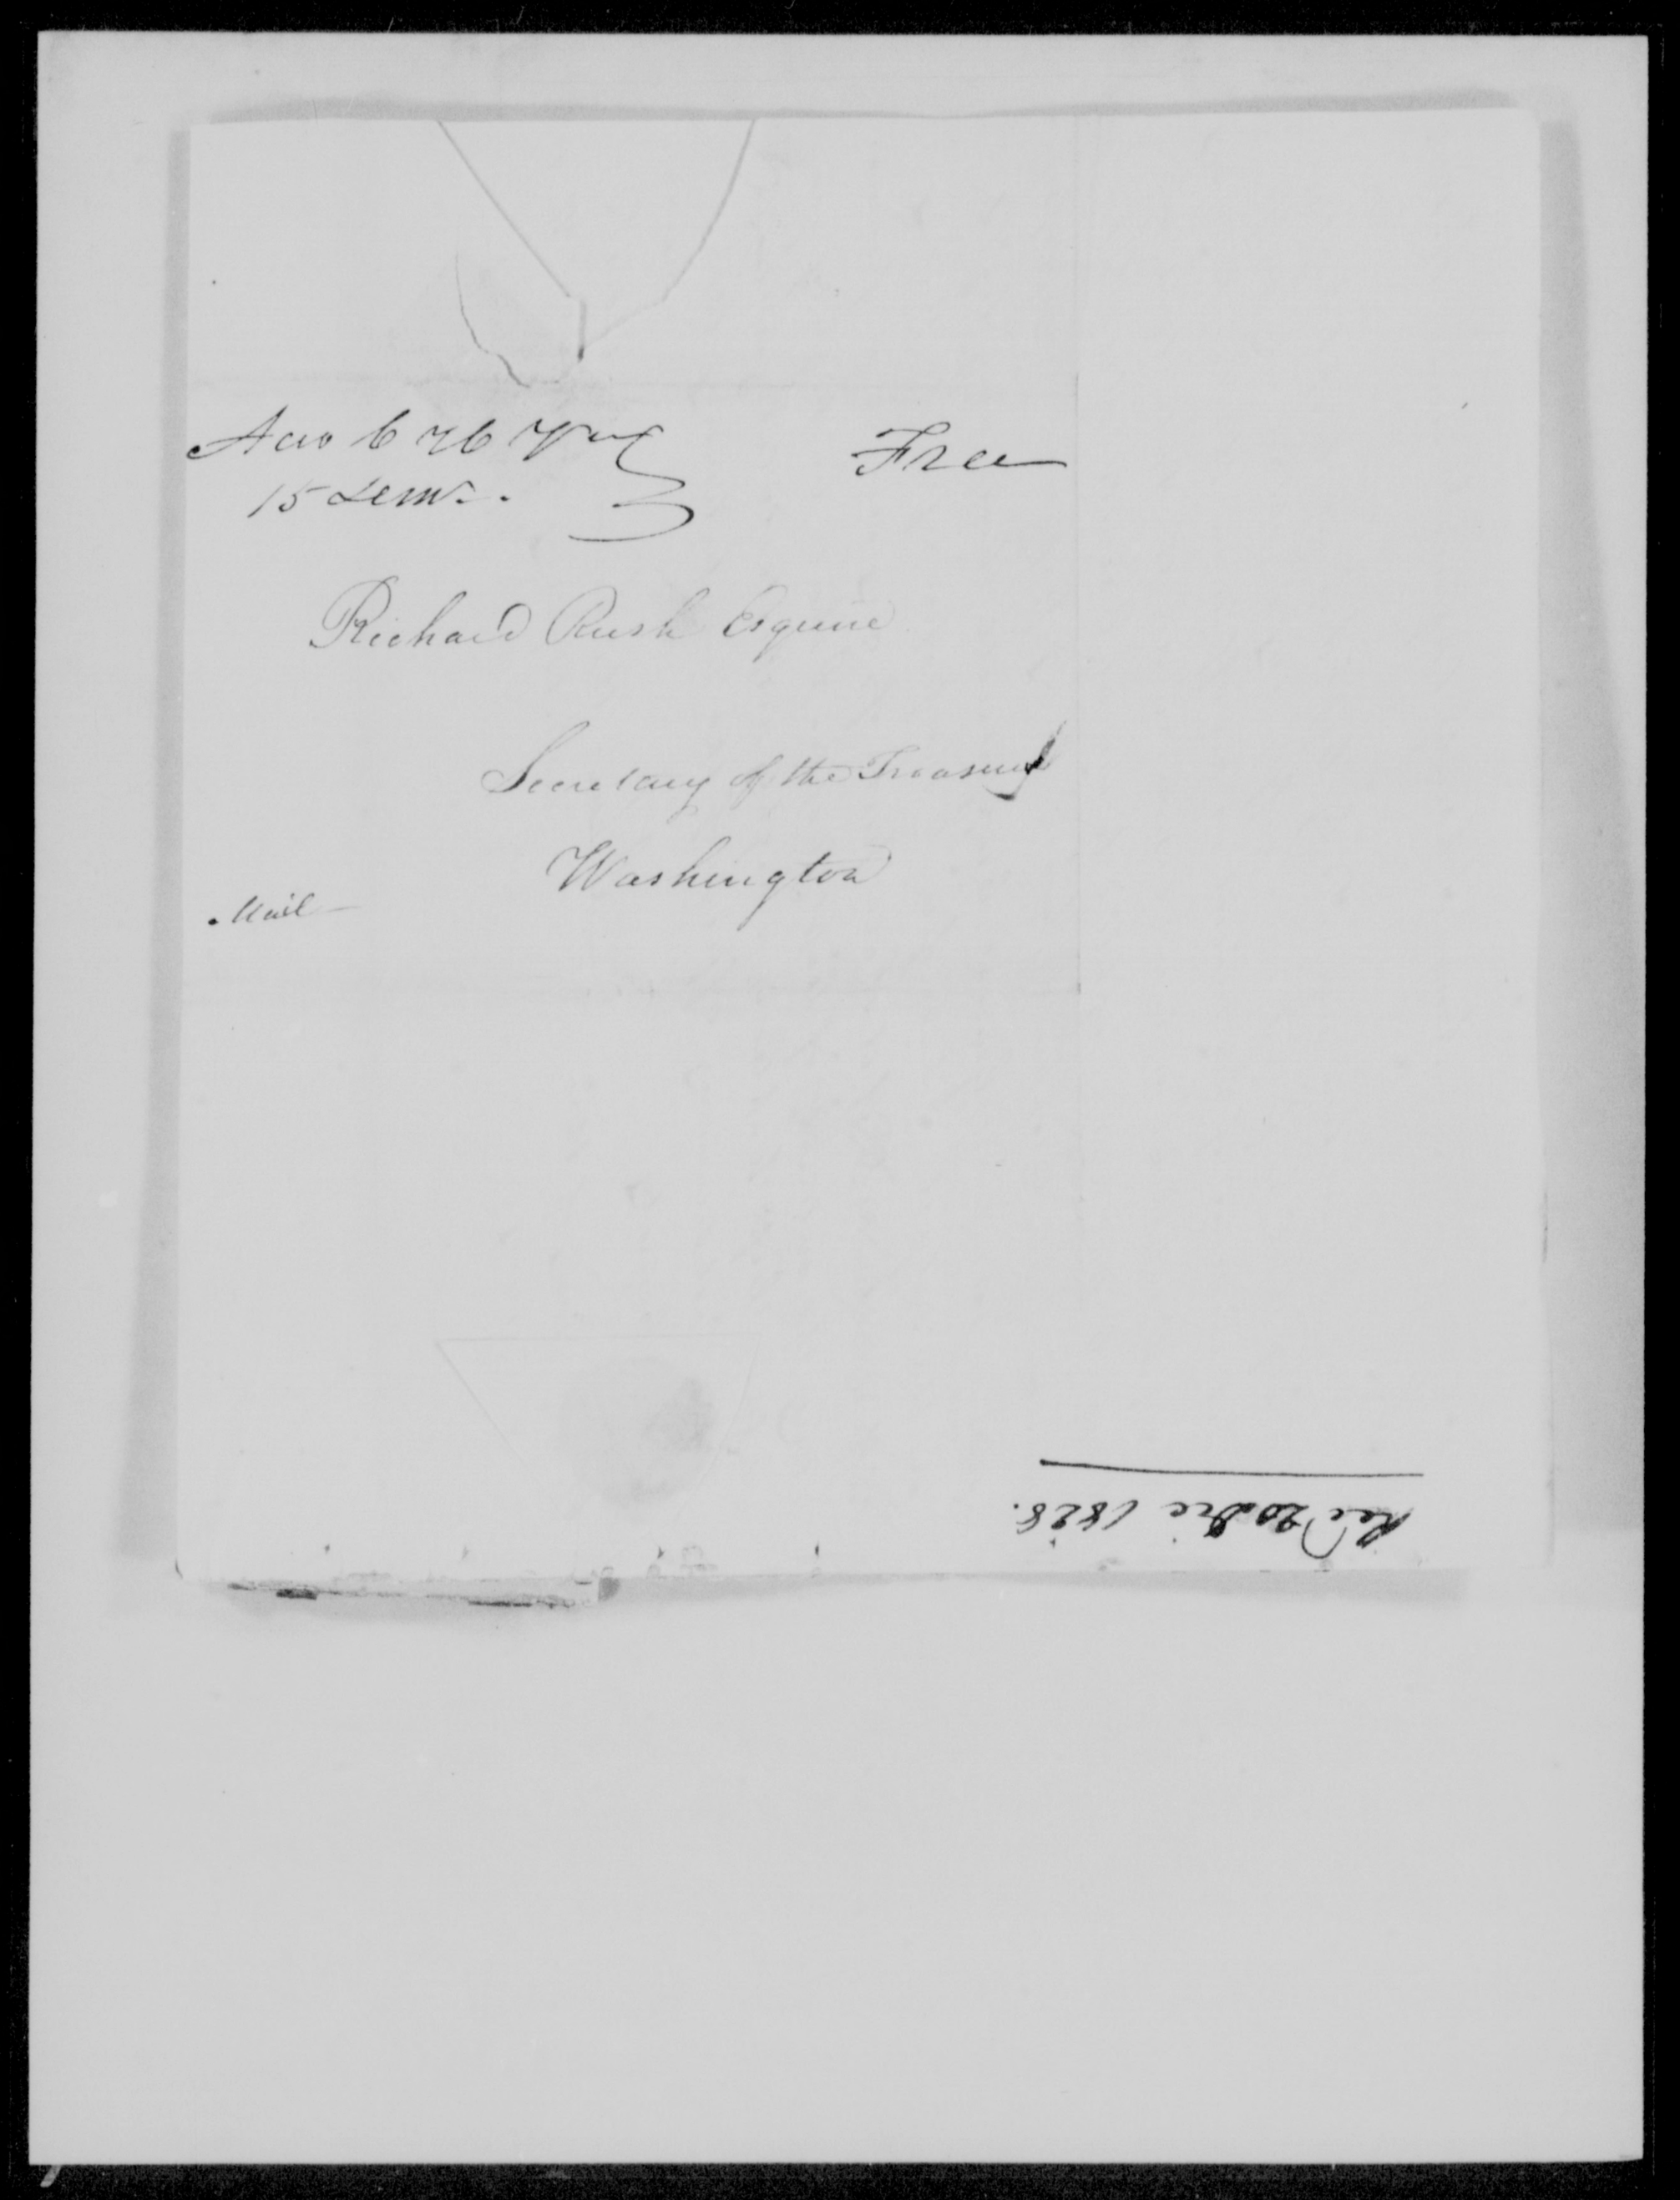Acco CH Va Free
15 Demr.
Richard Rush Esquire
Secretary of the Treasury
Mail Washington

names: Richard Rush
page: 40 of 59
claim: widow's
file: W. 6427, Samuel Waples, Va.